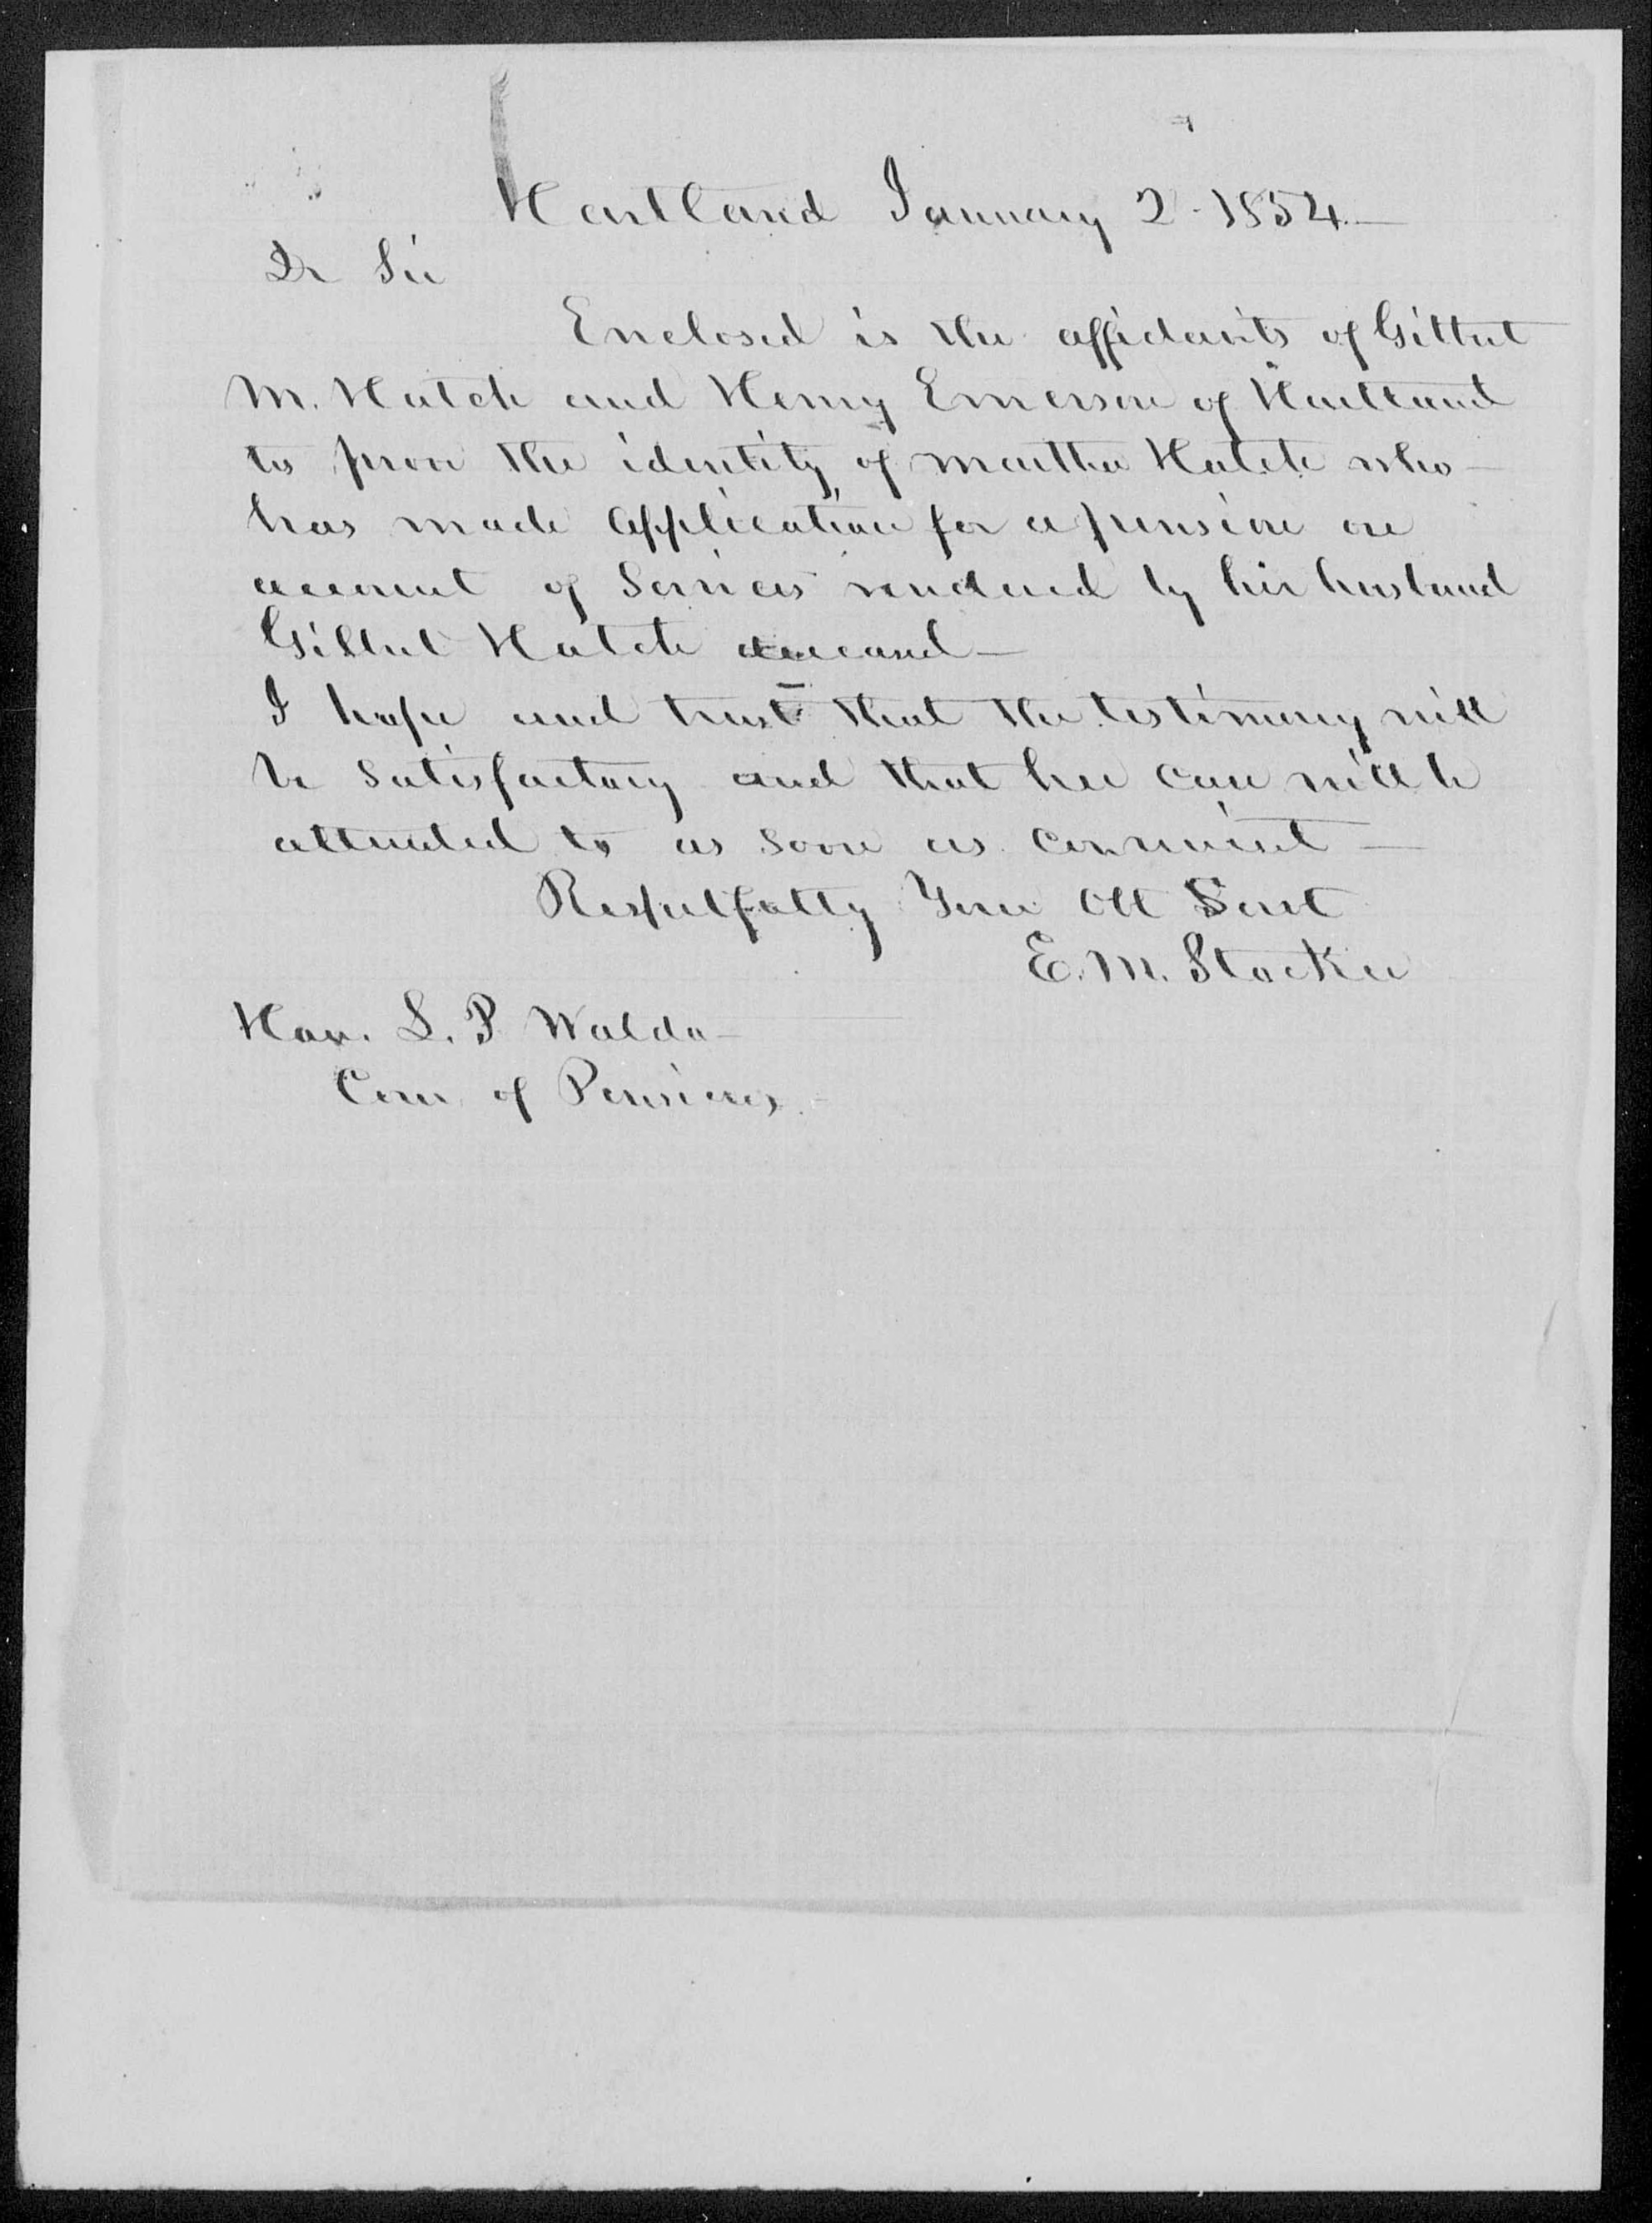Hartland January 2 - 1854.

Dr Sir

Enclosed is the affidavit of Gilbert M. Hatch and Henry Emerson of Hartland to prove the identify of Martha Hatch who has made application for a pension on account of Services rendered by her his husband Gilbert Hatch deceased.

I hope and trust that the testimony will be satisfactory and that her care will be attended to as soon as convenient.

Respectfully your Obt Servt
E.M. Stocker

Hon. S. P. Waldo
Com of Pensions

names: Gilbert Hatch, E M Stocker, Gilbert M Hatch, Martha Hatch, Henry Emerson, L P Waldo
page: 25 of 47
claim: widow's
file: W. 225, Gilbert Hatch, Conn.